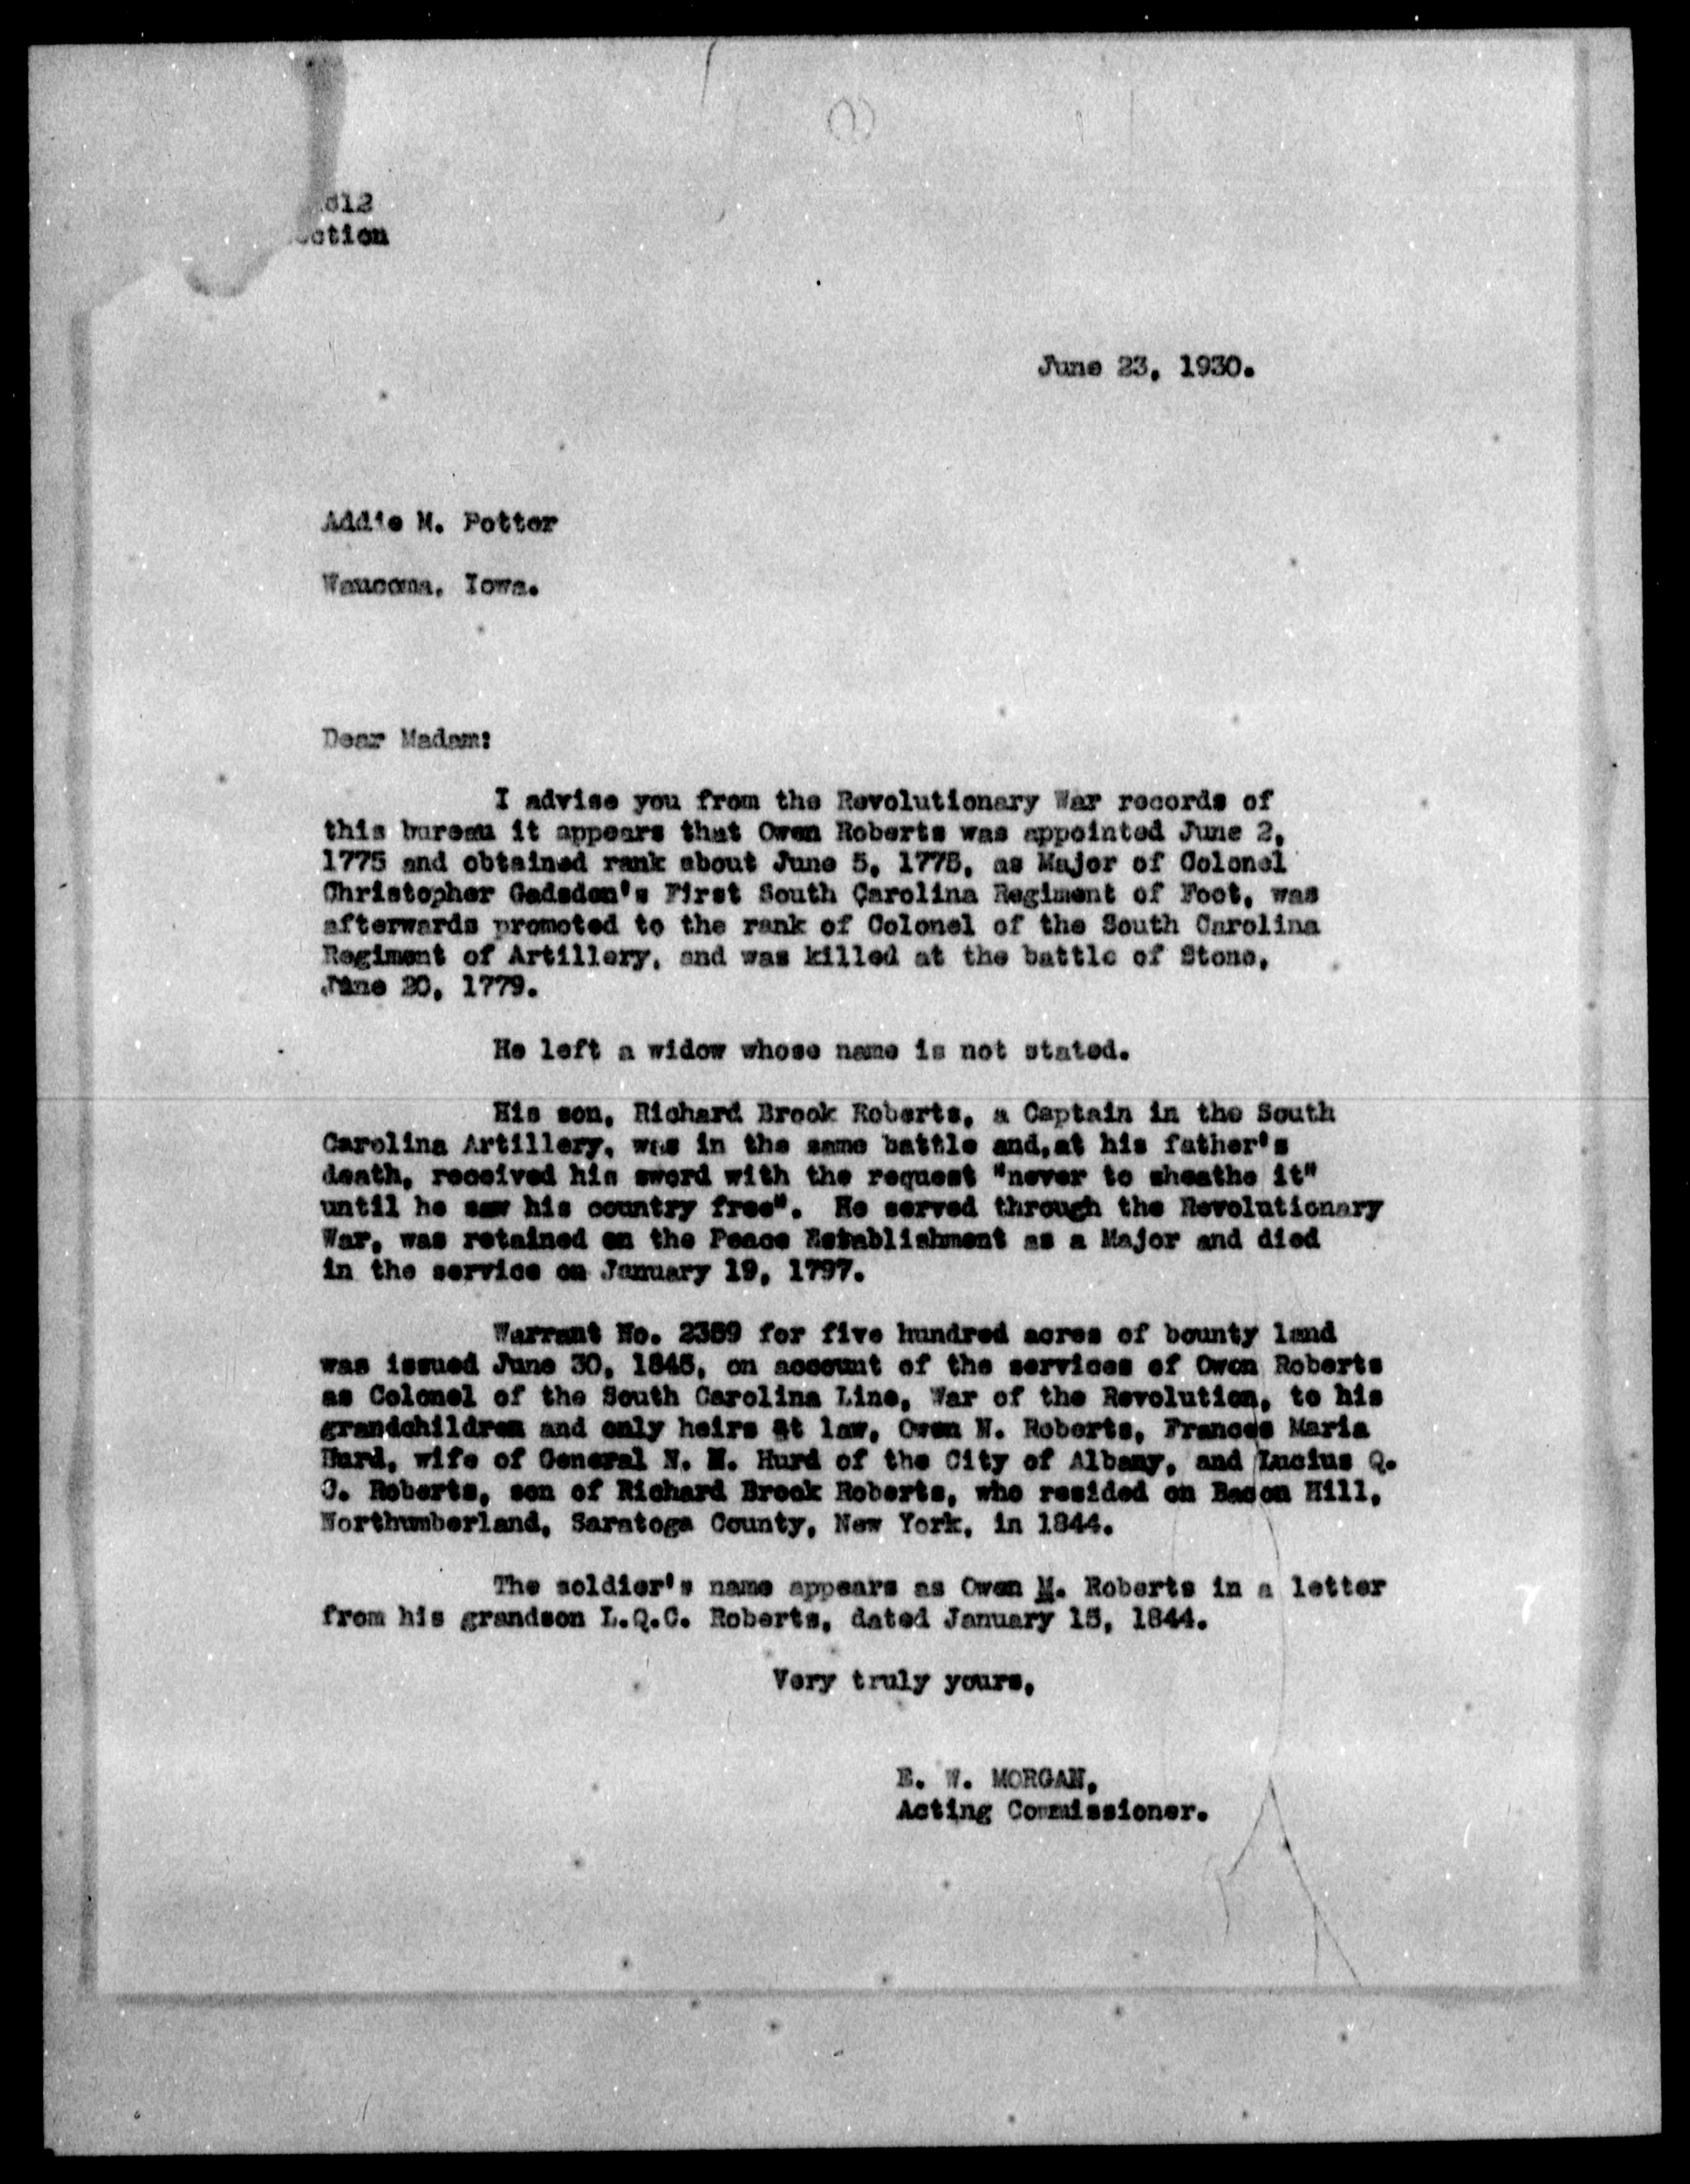[top left edge torn] 1812
[tear] ection

June 23, 1930.

Adie M. Potter
Waucoma, Iowa.

Dear Madam:

I advise you from the Revolutionary War records of 
this bureau it appears that Owen Roberts was appointed June 2,
1775 and obtained rank about June 5, 1775, as Major of Colonel
Christopher Gadsden's First South Carolina Regiment of Foot, was
afterwards promoted to the rank of Colonel of the South Carolina
Regiment of Artillery, and was killed at the battle of Stono, 
June 20, 1779.

He left a widow whose name is not stated.

His son, Richard Brook Roberts, a Captain in the South
Carolina Artillery, was in the same battle and at his father's 
death, received his sworn with the request "never to sheathe it
until he saw his country free."  He served through the Revolutionary
War, was retained on the Pace Establishment as a Major and died
in the service on January 19, 1797.

Warrant No. 2359 for five hundred acres of bounty land 
was issued June 30, 1845, on account of the services of Owen Roberts
as Colonel of the South Carolina Line, War of the Revolution, to his 
grandchildren and early heirs at law, Owen N. Roberts, Frances Maria 
Hurd, wife of General N. H. Hurd of the City of Albany, and Lucius Q.
C. Roberts, son of Richard Brook Roberts, who resided on Bacon Hill,
Northumberland,, Saratoga County, New York, in 1844.

The soldier's name appears as Owen M. Roberts in a letter
from his grandson L.Q.C. Roberts, dated January 15, 1844.

Very truly yours,

E.W. MORGAN,
Acting Commissioner.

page: 12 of 59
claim: bounty land warrant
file: B.L.Wt. 2359-500, for Owen Roberts, South Carolina